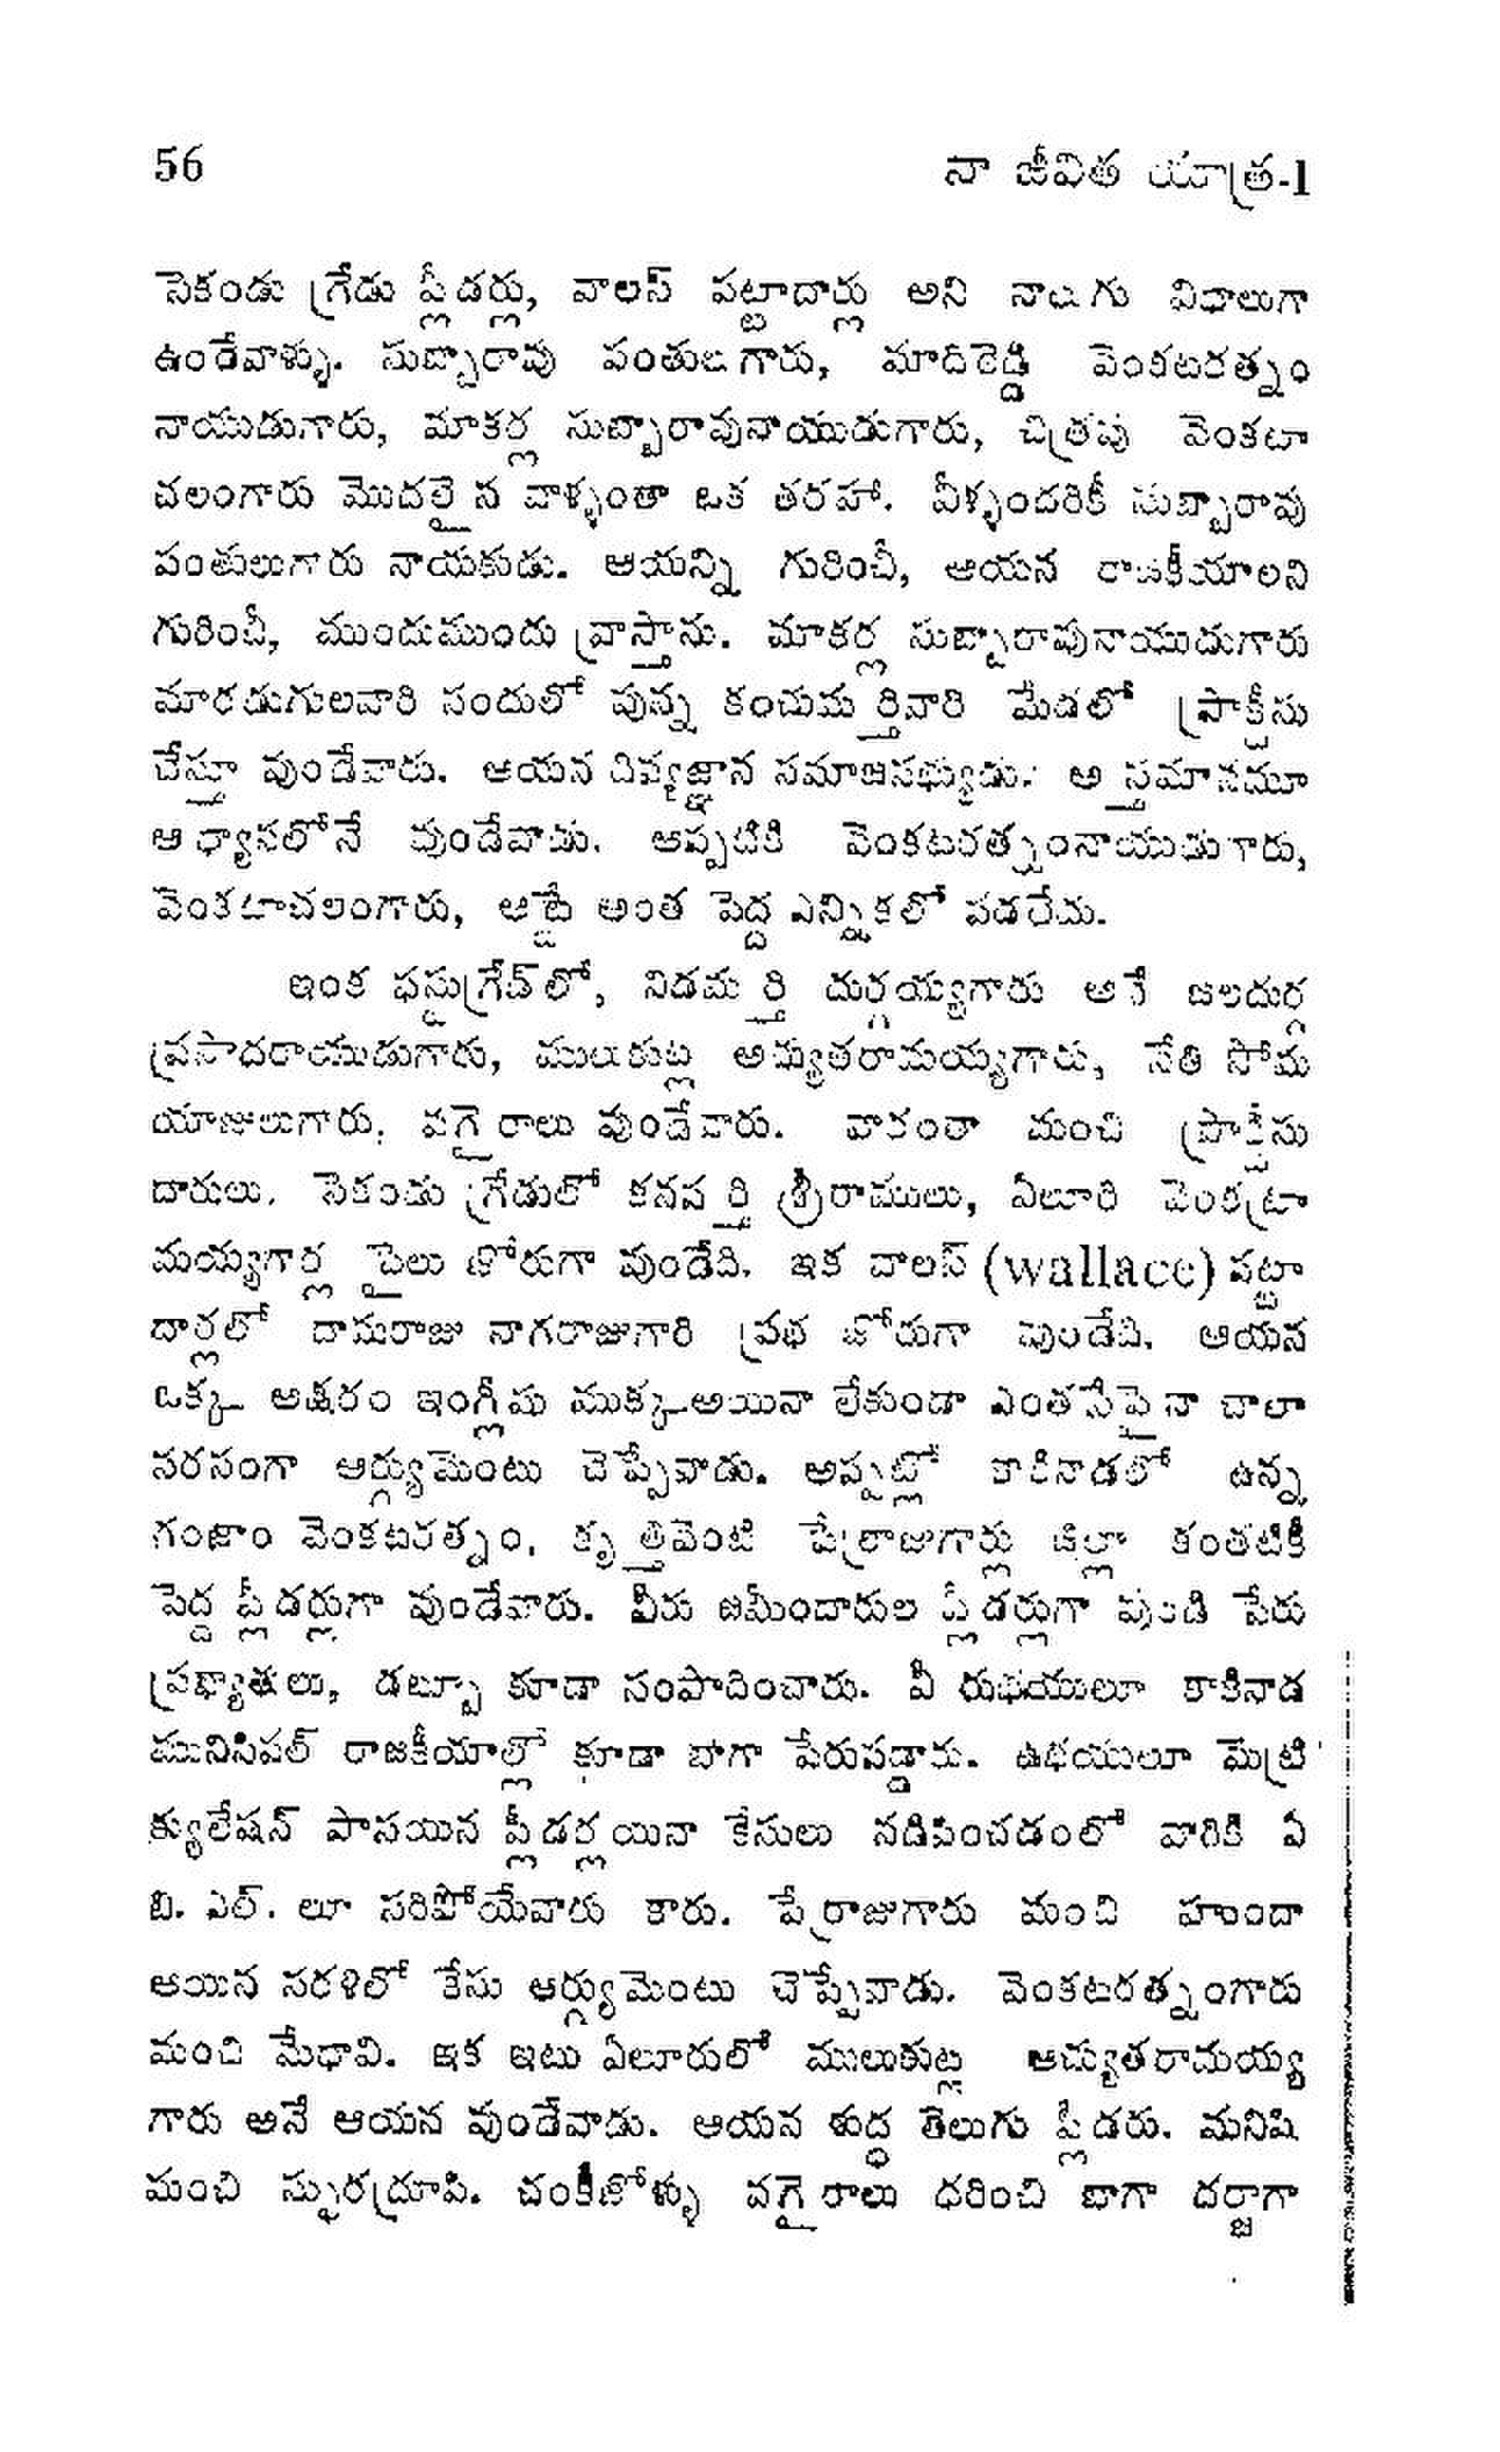సెకండ్ గ్రేడు ప్లీడర్లు, వాలస్ పట్టాదార్లు అని నాలుగు విధాలుగా ఉండేవాళ్ళు. సుబ్బారావు పంతులుగారు, మాదిరెడ్డి వెంకటరత్నం నాయుడుగారు, మాకర్ల సుబ్బారావునాయుడుగారు, చిత్రపు వెంకటాచలంగారు మొదలైన వాళ్ళంతా ఒక తరహా. వీళ్ళందరికీ సుబ్బారావు పంతులుగారు నాయకుడు. ఆయన్ని గురించీ, ఆయన రాజకీయాలని గురించీ, ముందుముందు వ్రాస్తాను. మాకర్ల సుబ్బారావునాయుడుగారు మారడుగులవారి సందులో వున్న కంచుమర్తివారి మేడలో ప్రాక్టీసు చేస్తూ వుండేవారు. ఆయన దివ్యజ్ఞాన సమాజసభ్యుడు. అస్తమానమూ ఆ ధ్యాసలోనే వుండేవాడు. అప్పటికి వెంకటరత్నంనాయుడుగారు, వెంకటాచలంగారు, ఆట్టే అంత పెద్ద ఎన్నికలో పడలేదు.

ఇంక ఫస్టుగ్రేడ్ లో, నిడమర్తి దుర్గయ్యగారు అనే జలదుర్గ ప్రసాదరాయుడుగారు, ములుకుట్ల అచ్యుతరామయ్యగారు, నేతి సోమయాజులుగారు, వగైరాలు వుండేవారు. వారంతా మంచి ప్రాక్టీసుదారులు. సెకండు గ్రేడులో కనపర్తి శ్రీరాములు, ఏలూరి వెంకట్రామయ్యగార్ల ఫైలు జోరుగా వుండేది. ఇక వాలస్ (wallace) పట్టాదార్లలో దామరాజు నాగరాజుగారి ప్రభ జోరుగా వుండేది. ఆయన ఒక్క అక్షరం ఇంగ్లీషు ముక్క అయినా లేకుండా ఎంతసేపైనా చాలా సరసంగా ఆర్గ్యుమెంటు చెప్పేవారు. అప్పట్లో కాకినాడలో ఉన్న గంజాం వెంకటరత్నం, కృత్తివెంటి పేర్రాజుగార్లు జిల్లాకంతటికీ పెద్ద ప్లీడర్లుగా వుండేవారు. వీరు జమీందారుల ప్లీడర్లుగా వుండి పేరు ప్రఖ్యాతులు, డబ్బూ కూడా సంపాదించారు. వీ రుభయులూ కాకినాడ మునిసిపల్ రాజకీయాల్లో కూడా బాగా పేరుపడ్డారు. ఉభయులూ మెట్రిక్యులేషన్ పాసయిన ప్లీడర్లయినా కేసులు నడిపించడంలో వారికి ఏ బి.ఎల్.లూ సరిపోయేవారు కారు. పేర్రాజుగారు మంచి హుందా అయిన సరళిలో కేసు ఆర్గ్యుమెంటు చెప్పేవాడు. వెంకటరత్నంగారు మంచి మేధావి. ఇక ఇటు ఏలూరులో ములుకుట్ల అచ్యుతరామయ్యగారు అనే ఆయన వుండేవారు. ఆయన శుద్ధ తెలుగు ప్లీడరు. మనిషి మంచి స్ఫురద్రూపి. చంకీజోళ్ళు వగైరాలు ధరించి బాగా దర్జాగా